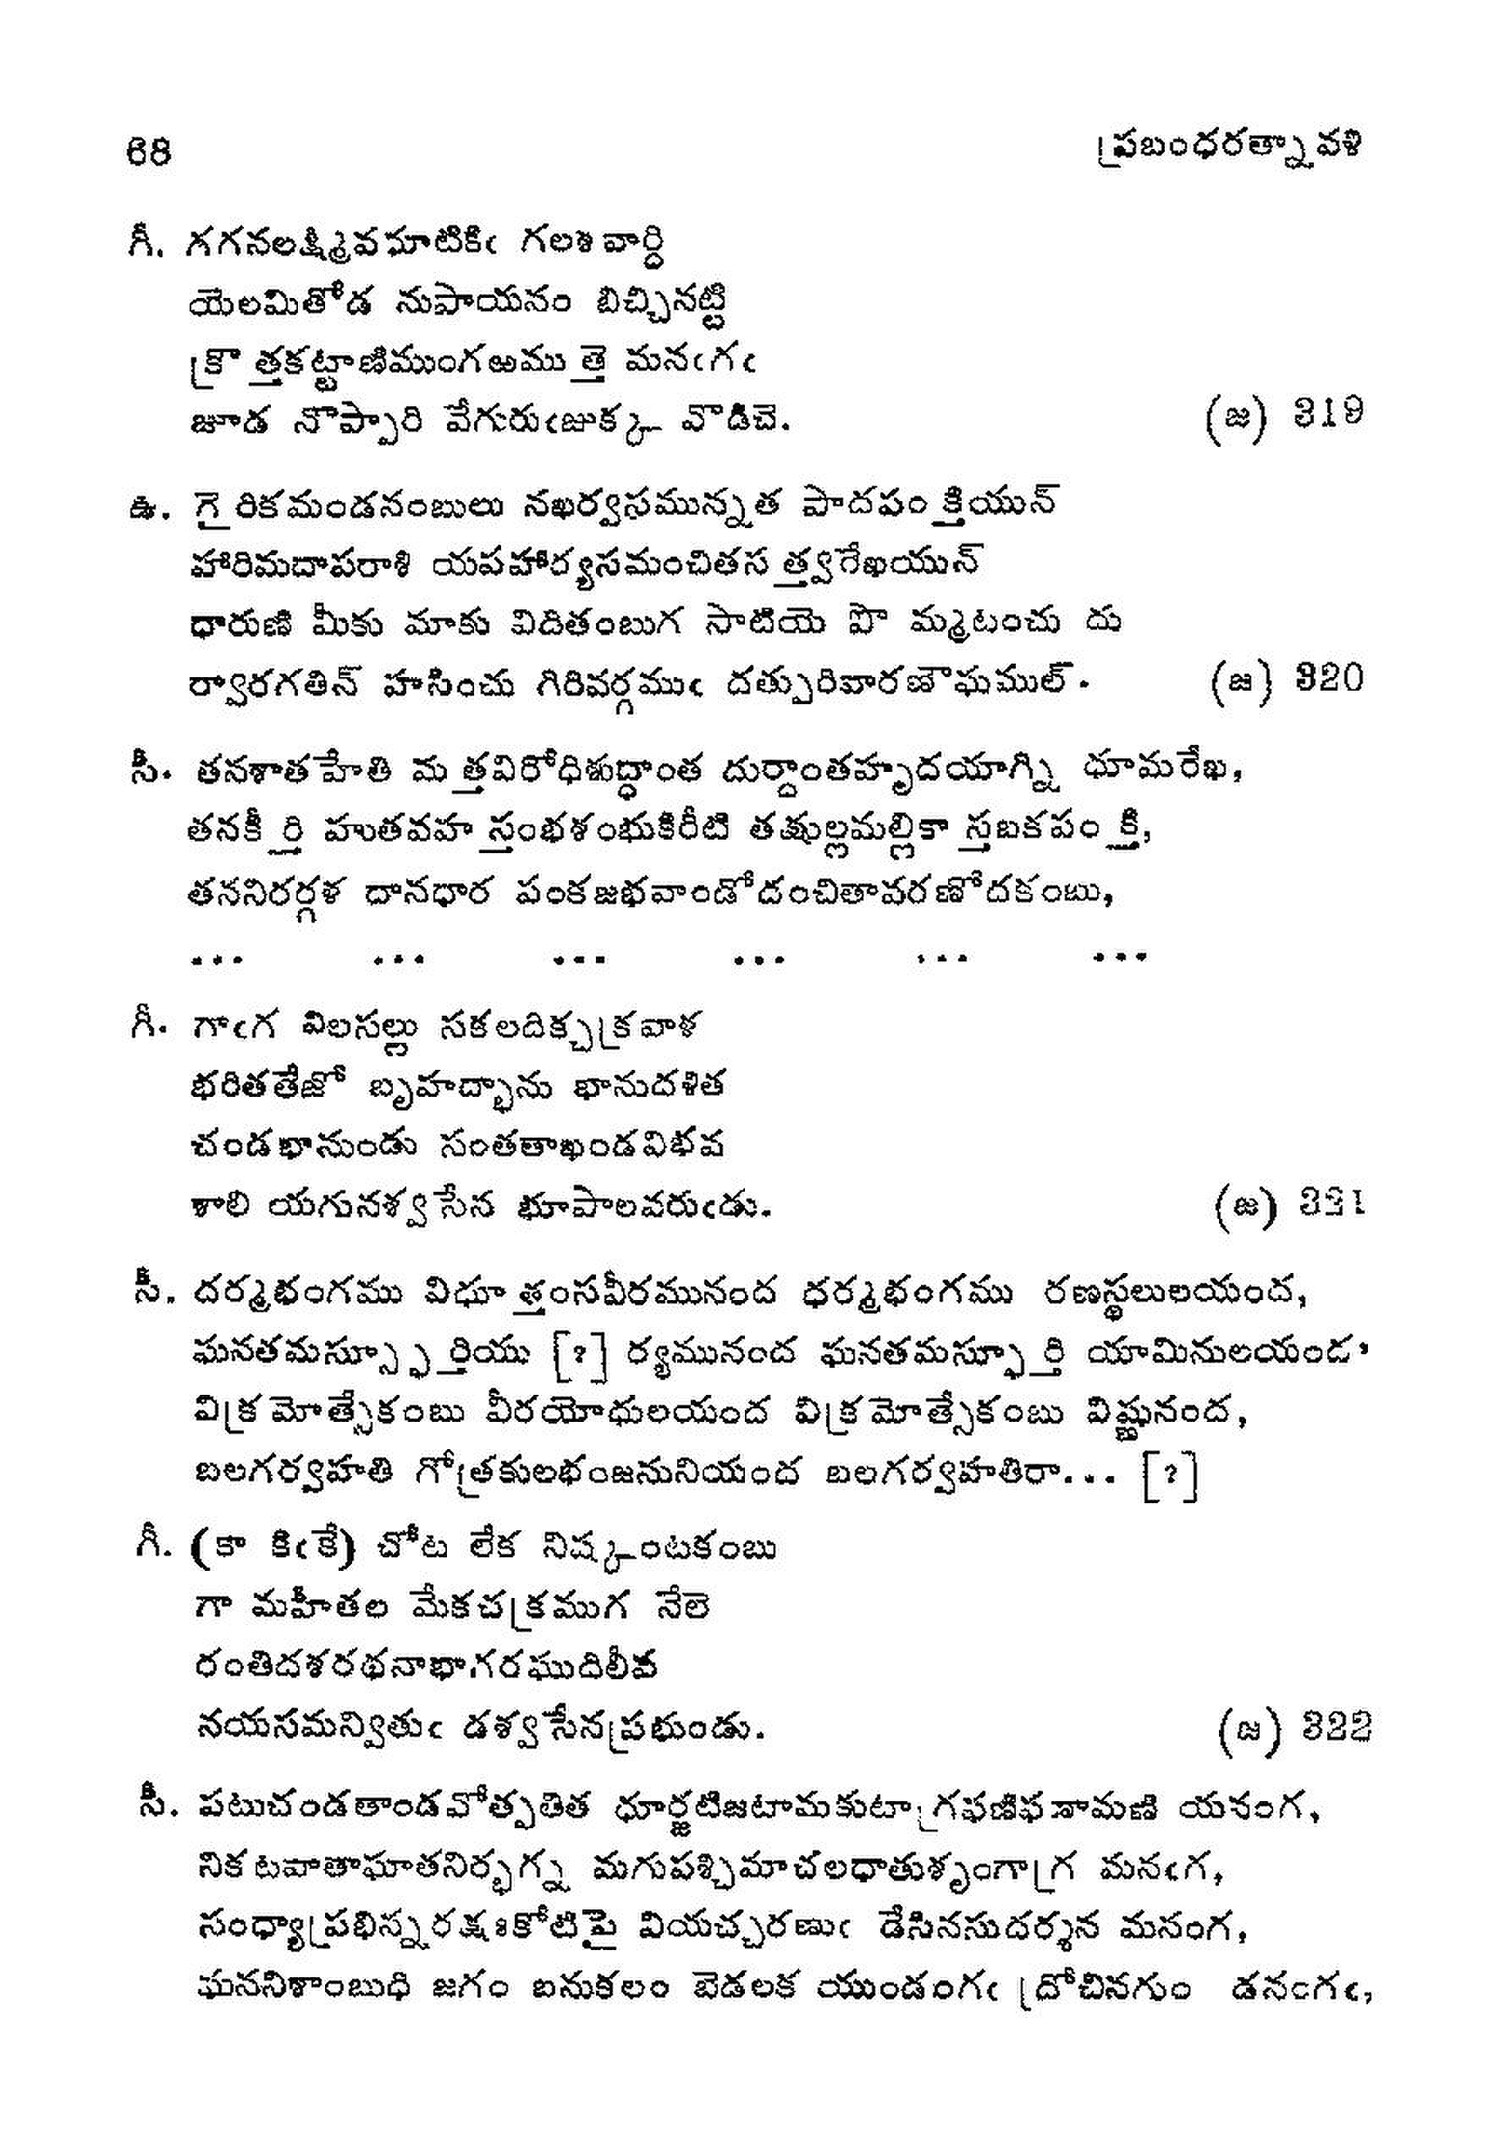తే. గగనలక్ష్మీవధూటికిఁ గలశవార్ధి
యులమితోడ నుపాయనం బిచ్చినట్టి
క్రొత్తకట్టాణి ముంగఱముత్తె మనఁగ
జూడ నొప్పారి వేగురుఁజుక్క వొడిచె. (జ) 319

ఉ. గైరికమండనంబులు నఖర్వసమున్నతపాదపంక్తియున్
హారిమదాపరాశి యపహార్యసమంచితసత్త్వరేఖయున్
ధారుణి మీకు మాకు విదితంబుగ సాటియె పొమ్మటంచు దు
ర్వారగతిన్ హసించు గిరివర్గముఁ దత్పురి వారణౌఘముల్. (జ) 320

సీ. తన శాత హేతి మత్తవిరోధిశుద్ధాంత దుర్దాంతహృదయాగ్నిధూమరేఖ
తన కీర్తి హుతవహస్తంభశంభుకిరీటి తక్షులమల్లికాస్తబకపంక్తి
తన నిరర్గళదానధార పంకజభవాం డోదంచితావరణోదకంబు
... ... ... ... ... .... .... ... ... ... ... ....
గీ. గాఁగ విలసిల్లు సకలదిక్చక్రవాళ
భరితతేజోనివహబృహద్భానుదళిత
చండభానుండు సంతతాఖండవిభవ
శాలియగు నశ్వసేనభూపాలవరుఁడు. (జ) 321

సీ. ధర్మభంగము విధూత్తంసవీరమునంద ధర్మభంగము రణస్థలులయంద
ఘనతమస్స్ఫూర్తియు[?]ర్యమునంద ఘనతమస్ఫూర్తి యామినులయంద
విక్రమోత్సేకంబు వీరయోధులయంద విక్రమోత్సేకంబు విష్ణునంద
బలగర్వహతి గోత్రకులభంజనునియందఁ బలగర్వహతిరా... [?]
గీ. [కాకిఁకే]చోట లేక నిష్కంటకంబు
గా మహీతల మేకచక్రముగ నేలె
రంతి దశరథ నాభాగ రఘు దిలీప
నయసమన్వితుఁ డశ్వసేనప్రభుండు. (జ) 322

సీ. పటుచండతాండవోత్పతిత ధూర్జటిజటామకుటాగ్రఫణిఫణామణి యనంగ
నికటవాతాఘాతనిర్భగ్నమగు పశ్చిమాచలధాతుశృంగాంగ మనఁగ
సంధ్యాప్రభిన్నరక్షఃకోటిపై వియచ్చరణుఁ డేసిన సుదర్శన మనంగ
ఘననిశాంబుధి జగంబను కలం బెడలక యుండంగఁ ద్రోచిన గుం డనంగఁ